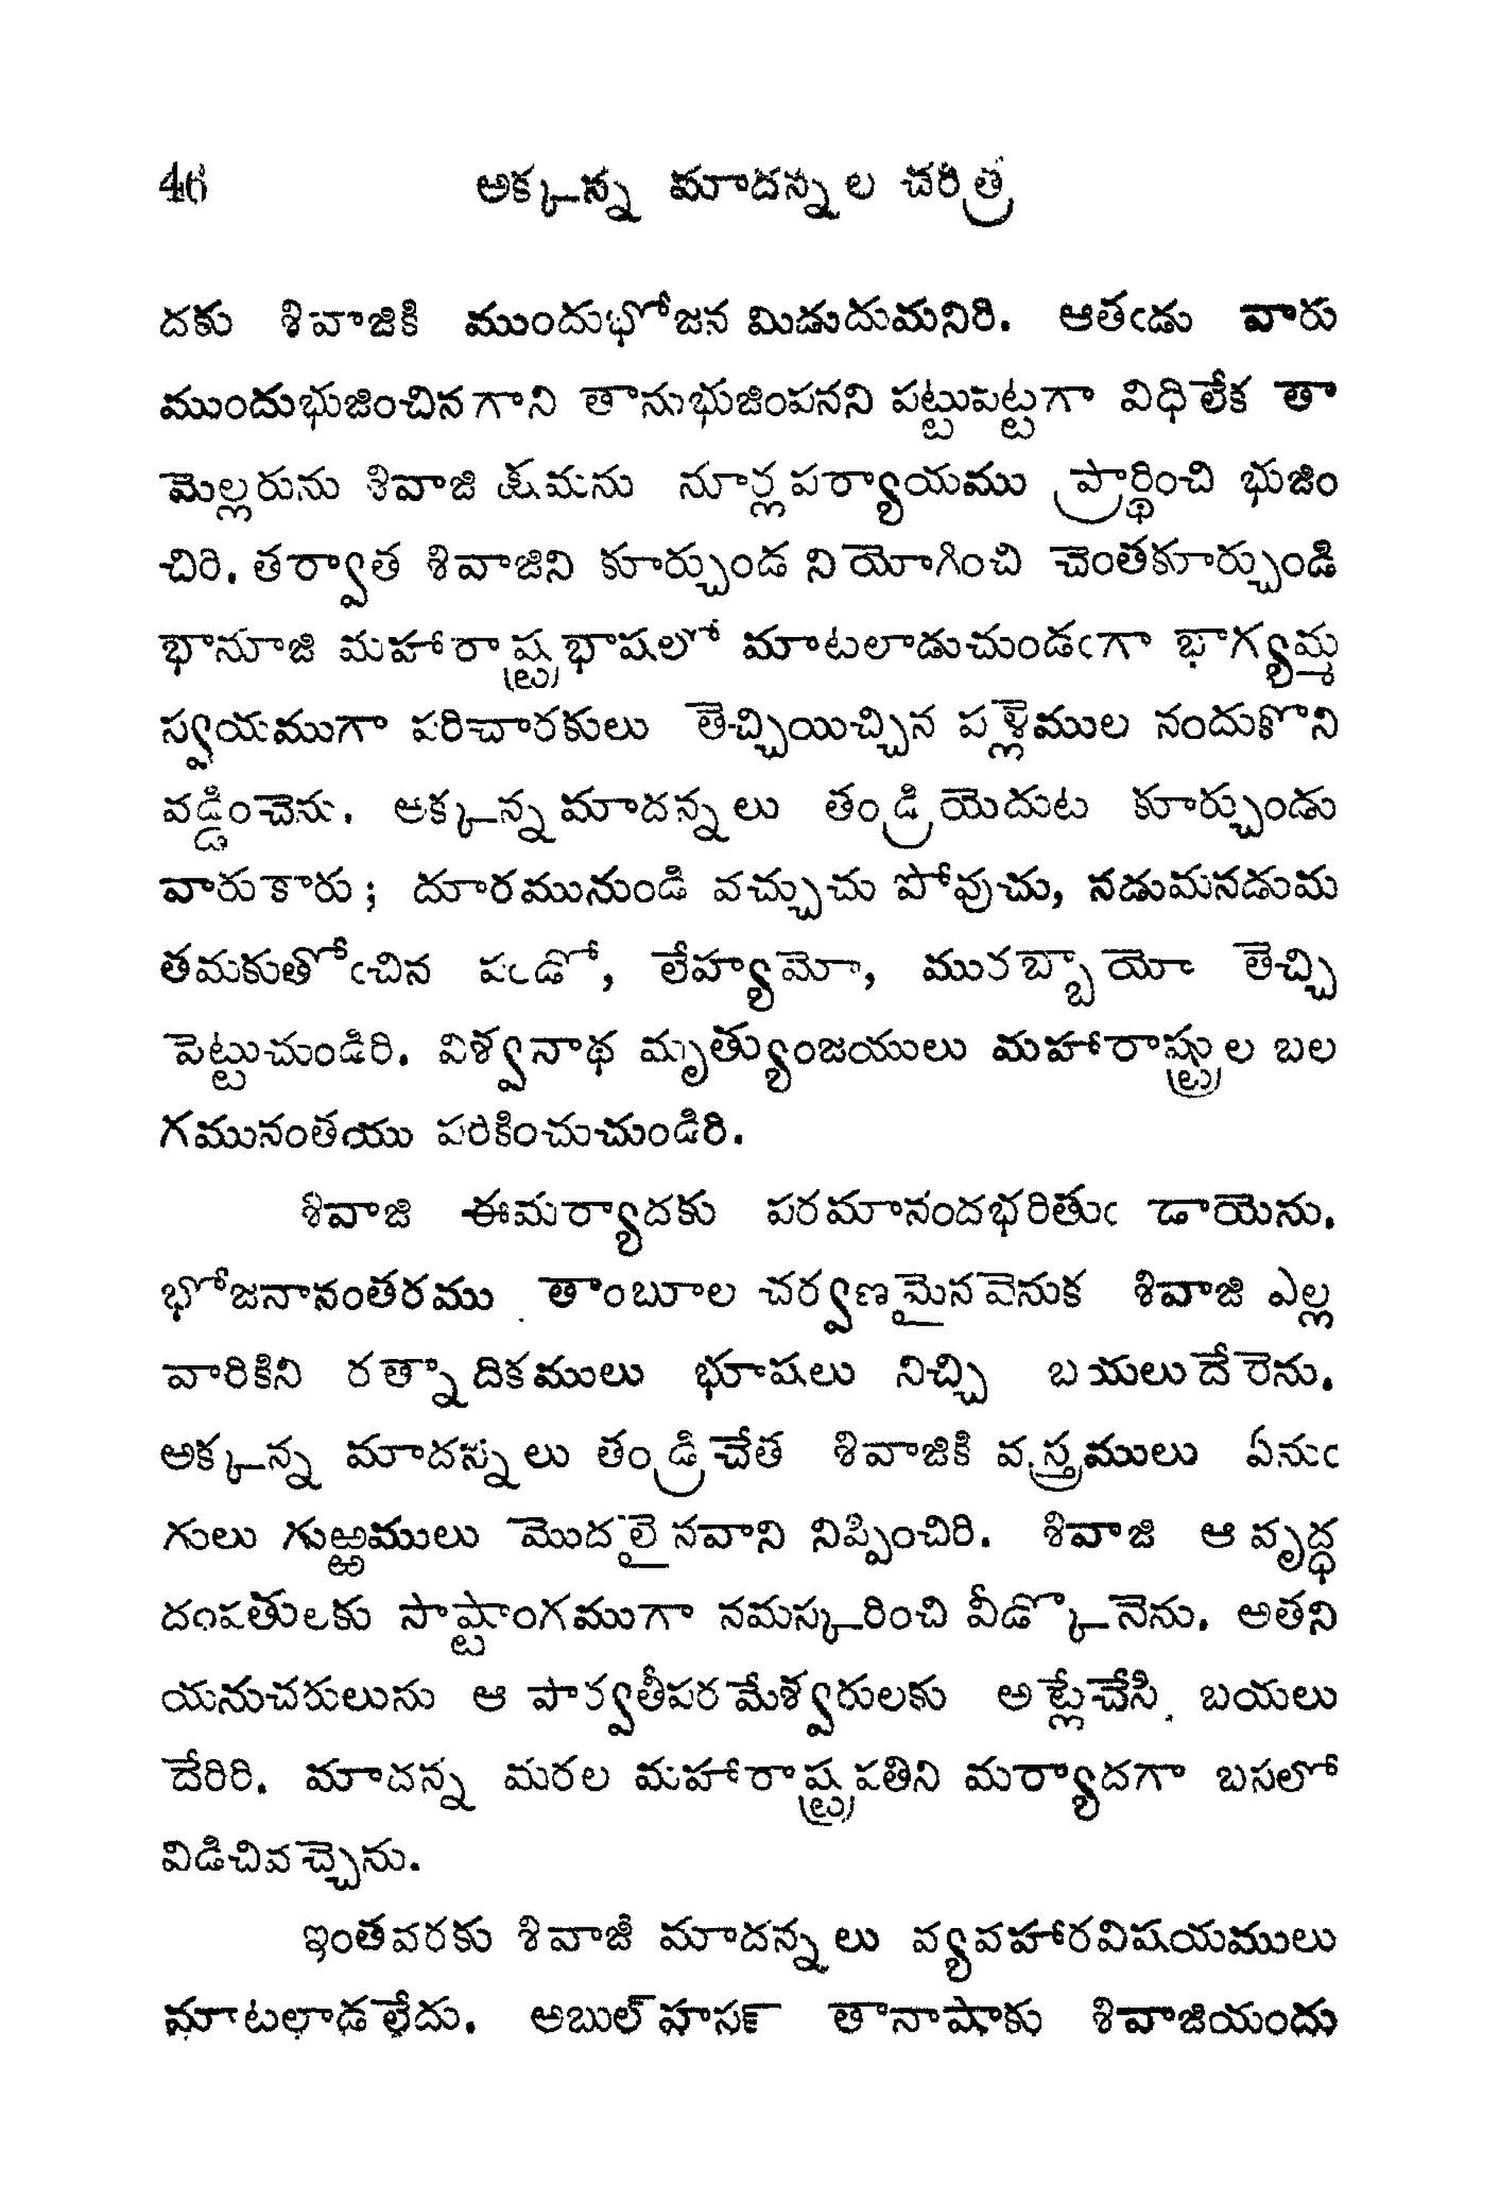దకు శివాజికి ముందుభోజన మిడుదుమనిరి. ఆతఁడు వారు ముందుభుజించినగాని తానుభుజింపనని పట్టుపట్టగా విధిలేక తా మెల్లరును శివాజి క్షమను నూర్లపర్యాయము ప్రార్థించి భుజించిరి. తర్వాత శివాజిని కూర్చుండ నియోగించి చెంతకూర్చుండి భానూజి మహారాష్ట్రభాషలో మాటలాడుచుండఁగా భాగ్యమ్మ స్వయముగా పరిచారకులు తెచ్చియిచ్చిన పళ్లెముల నందుకొని వడ్డించెను. అక్కన్నమాదన్నలు తండ్రియెదుట కూర్చుండు వారుకారు; దూరమునుండి వచ్చుచు పోవుచు, నడుమనడుమ తమకుతోఁచిన పండో, లేహ్యమో, మురబ్బాయో తెచ్చి పెట్టుచుండిరి. విశ్వనాథ మృత్యుంజయులు మహారాష్ట్రుల బలగమునంతయు పరికించుచుండిరి.

శివాజి ఈమర్యాదకు పరమానందభరితుఁ డాయెను. భోజనానంతరము తాంబూల చర్వణమైనవెనుక శివాజి ఎల్లవారికిని రత్నాదికములు భూషలు నిచ్పి బయలుదేరెను. అక్కన్న మాదన్నలు తండ్రిచేత శివాజికి వస్త్రములు ఏనుఁగులు గుఱ్ఱములు మొదలైనవాని నిప్పించిరి. శివాజి ఆ వృద్ధ దంపతులకు సాష్టాంగముగా నమస్కరించి వీడ్కొనెను. అతని యనుచరులును ఆ పార్వతీపరమేశ్వరులకు అట్లేచేసి బయలుదేరిరి. మాదన్న మరల మహారాష్ట్రపతిని మర్యాదగా బసలో విడిచివచ్చెను.

ఇంతవరకు శివాజీ మాదన్నలు వ్యవహారవిషయములు మాటలాడలేదు. అబుల్‌‌హసౝ తానాషాకు శివాజియందు